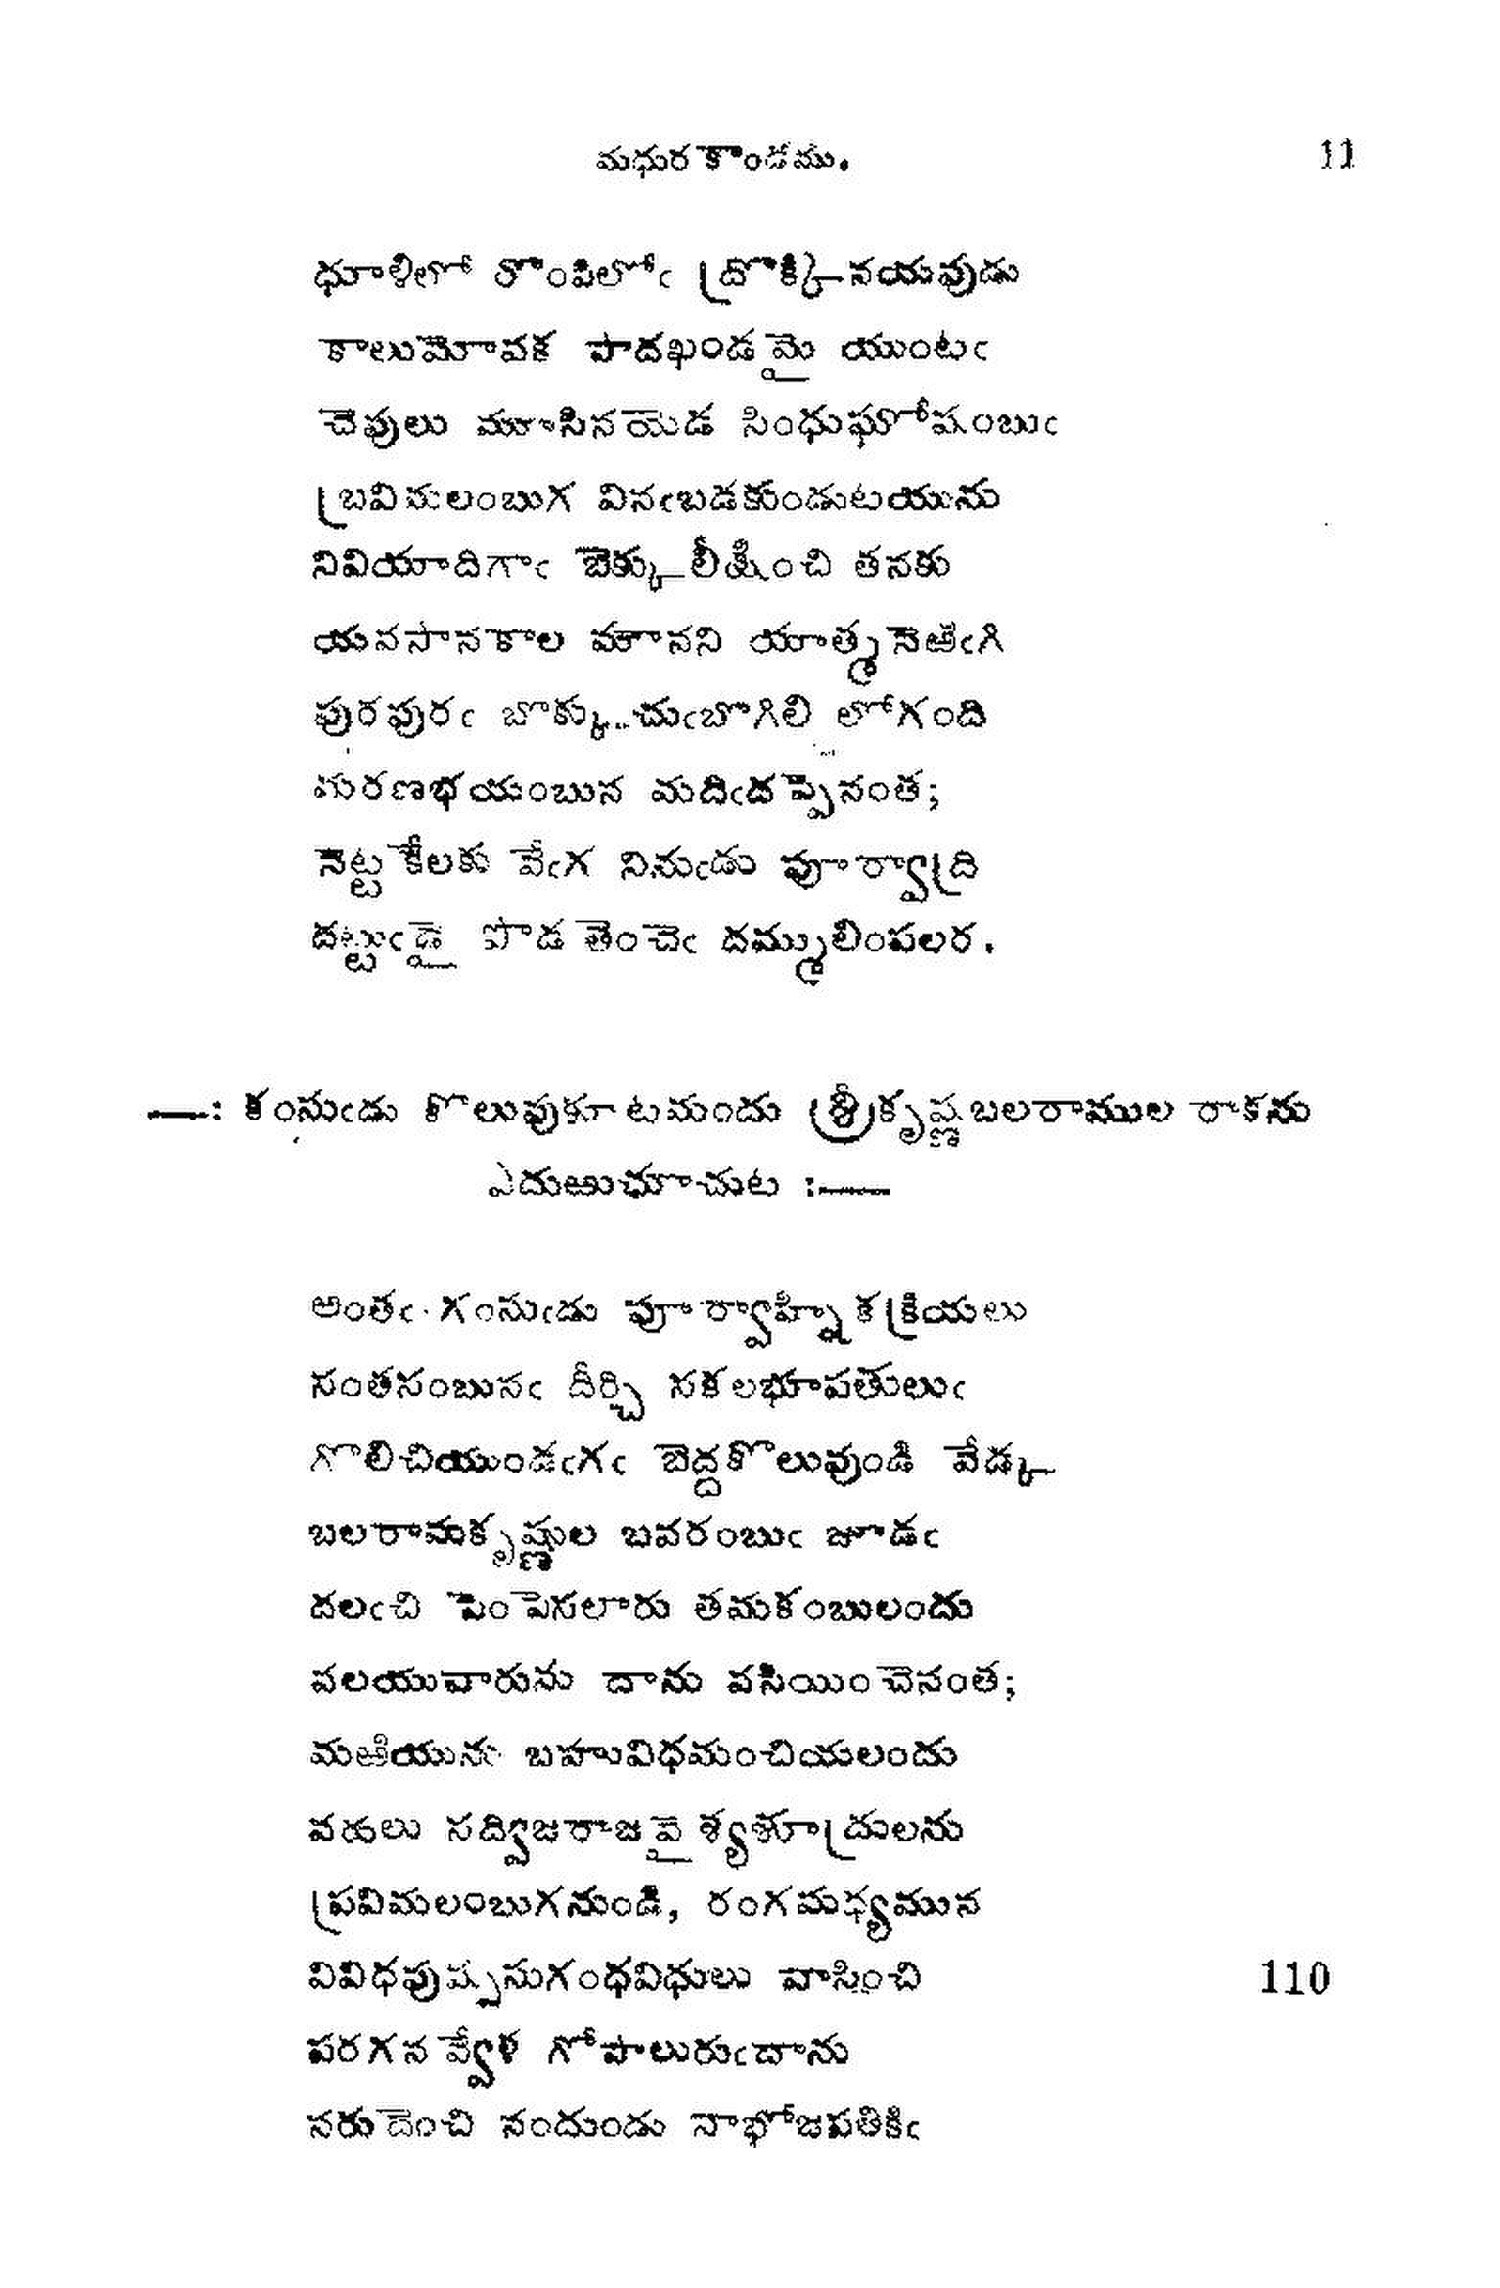ధూళిలో రొంపిలోఁ ద్రొక్కినయవుడు
కాలుమోవక పాదఖండమై యుంటఁ
చెపులు మూసినయెడ సింధుఘోషంబుఁ
బ్రవిమలంబుగ వినఁబడకుండుటయును
నివియాదిగాఁ బెక్కు లీక్షించి తనకు
యవసానకాల మౌనని యాత్మ నెఱిఁగి
పురపురఁ బొక్కుచుఁ బొగిలి లోగంది
మరణభయంబున మదిఁదప్పెనంత;
నెట్టకేలకు వేఁగ నినుఁడు పూర్వాద్రి
దట్టుఁడై పొడతెంచెఁ దమ్ములింపలర.

అంతఁ గంసుఁడు పూర్వాహ్నికక్రియలు
సంతసంబునఁ దీర్చి సకలభూపతులుఁ
గొలిచియుండఁగఁ బెద్దకొలువుండి వేడ్క
బలరామకృష్ణుల బవరంబుఁ జూడఁ
దలఁచి పెంపెసలారు తమకంబులందు
వలయువారును వసియించెనంత;
మఱియును బహువిధమంచియలందు
వరులు సద్విజరాజవైశ్యశూద్రులను
ప్రవిమలంబుగనుండి, రంగమధ్యమున
వివిధపుష్పసుగంధవిధులు వాసించి
పరగ నవ్వేళ గోపాలురుఁ దాను
నరుదెంచి నందుండు నాభోజపతికిఁ